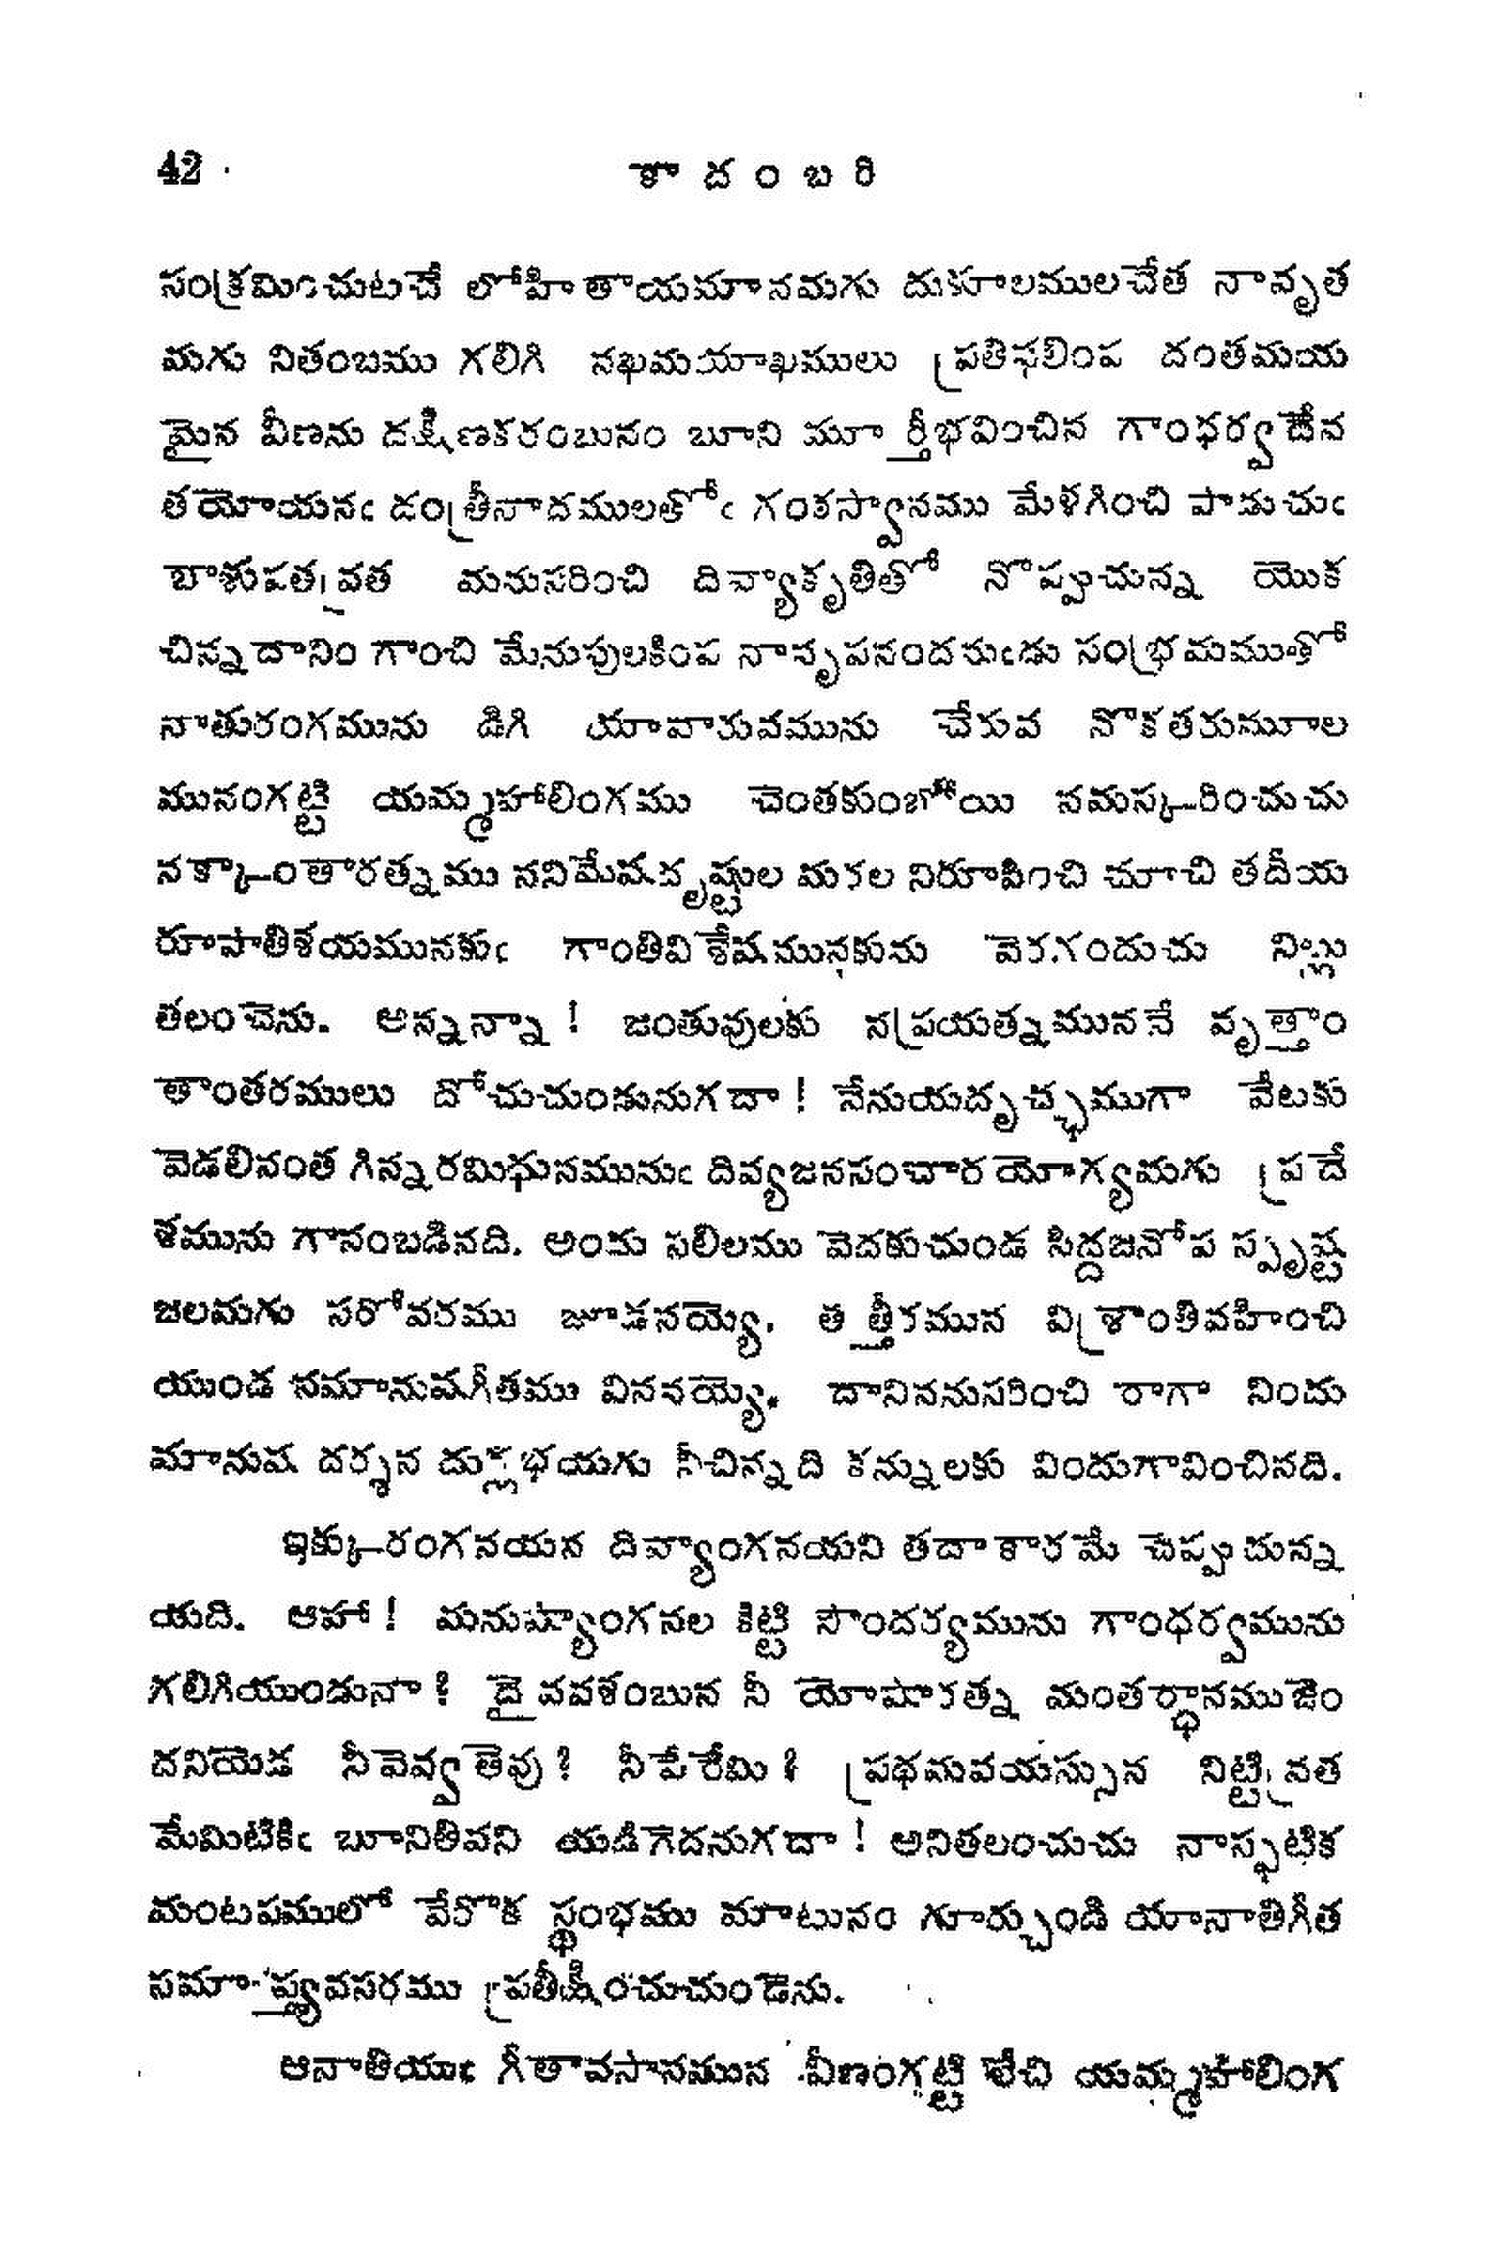సంక్రమించుటచే లోహితాయమానమగు దుకూలముచేత నావృతమగు నితంబము గలిగి నఖమయాఖములు ప్రతిఫలింప దంతమయమైన వీణను దక్షిణకరంబునం బూని మూర్తీభవించిన గాంధర్వదేవతయోయనఁ దంత్రీనాదములతోఁ గంఠస్వానము మేళగించి పాడుచుఁ బాశుపతవ్రత మనుసరించి దివ్యాకృతితో నొప్పుచున్న యొక చిన్నదానిం గాంచి మేనువులకింప నానృపనందనుఁడు సంభ్రమముతో నాతురంగమును డిగి యావారువమును చేరువ నొకతరుమూలమునంగట్టి యమ్మహాలింగము చెంతకుంబోయి నమస్కరించుచు నక్కాంతారత్నము ననిమేషదృష్టుల మరల నిరూపించి చూచి తదీయ రూపాతిశయమునకుఁ గాంతివిశేషమునకును వెరగందుచు నిట్లు తలంచెను. అన్నన్నా! జంతువులకు నప్రయత్నముననే వృత్తాంతాంతరములు దోచుచుండునుగదా! నేనుయదృచ్ఛముగా వేటకు వెడలినంత గిన్నరమిధునమునుఁ దివ్యజనసంచారయోగ్యమగు ప్రదేశమును గానంబడినది. అందు సలిలము వెదకుచుండ సిద్దజనోప స్పృష్ట జలమగు సరోవరము జూడనయ్యె. తత్తీరమున విశ్రాంతివహించి యుండ నమానుషగీతము విననయ్యె, దానిననుసరించి రాగా నిందు మానుష దర్శన దుర్లభయగు నీచిన్నది కన్నులకు విందుగావించినది.

ఇక్కురంగనయన దివ్యాంగనయని తదాకారమే చెప్పుచున్న యది. ఆహా! మనుష్యాంగనల కిట్టి సౌందర్యమును గాంధర్వమును గలిగియుండునా? దైవవశంబున నీ యోషారత్న మంతర్ధానముజెందనియెడ నీవెవ్వతెవు? నీ పేరేమి? ప్రథమవయస్సున నిట్టివ్రత మేమిటికిఁ బూనితవని యడిగెదనుగదా! అనితలంచుచు నాస్ఫటిక మంటపములో వేరొక స్థంభము మాటునం గూర్చుండి యనాతిగీత సమాప్త్యవసరము ప్రతీక్షించుచుండెను.

ఆనాతియుఁ గీతావసానమున వీణంగట్టి లేచి యమ్మహాలింగ